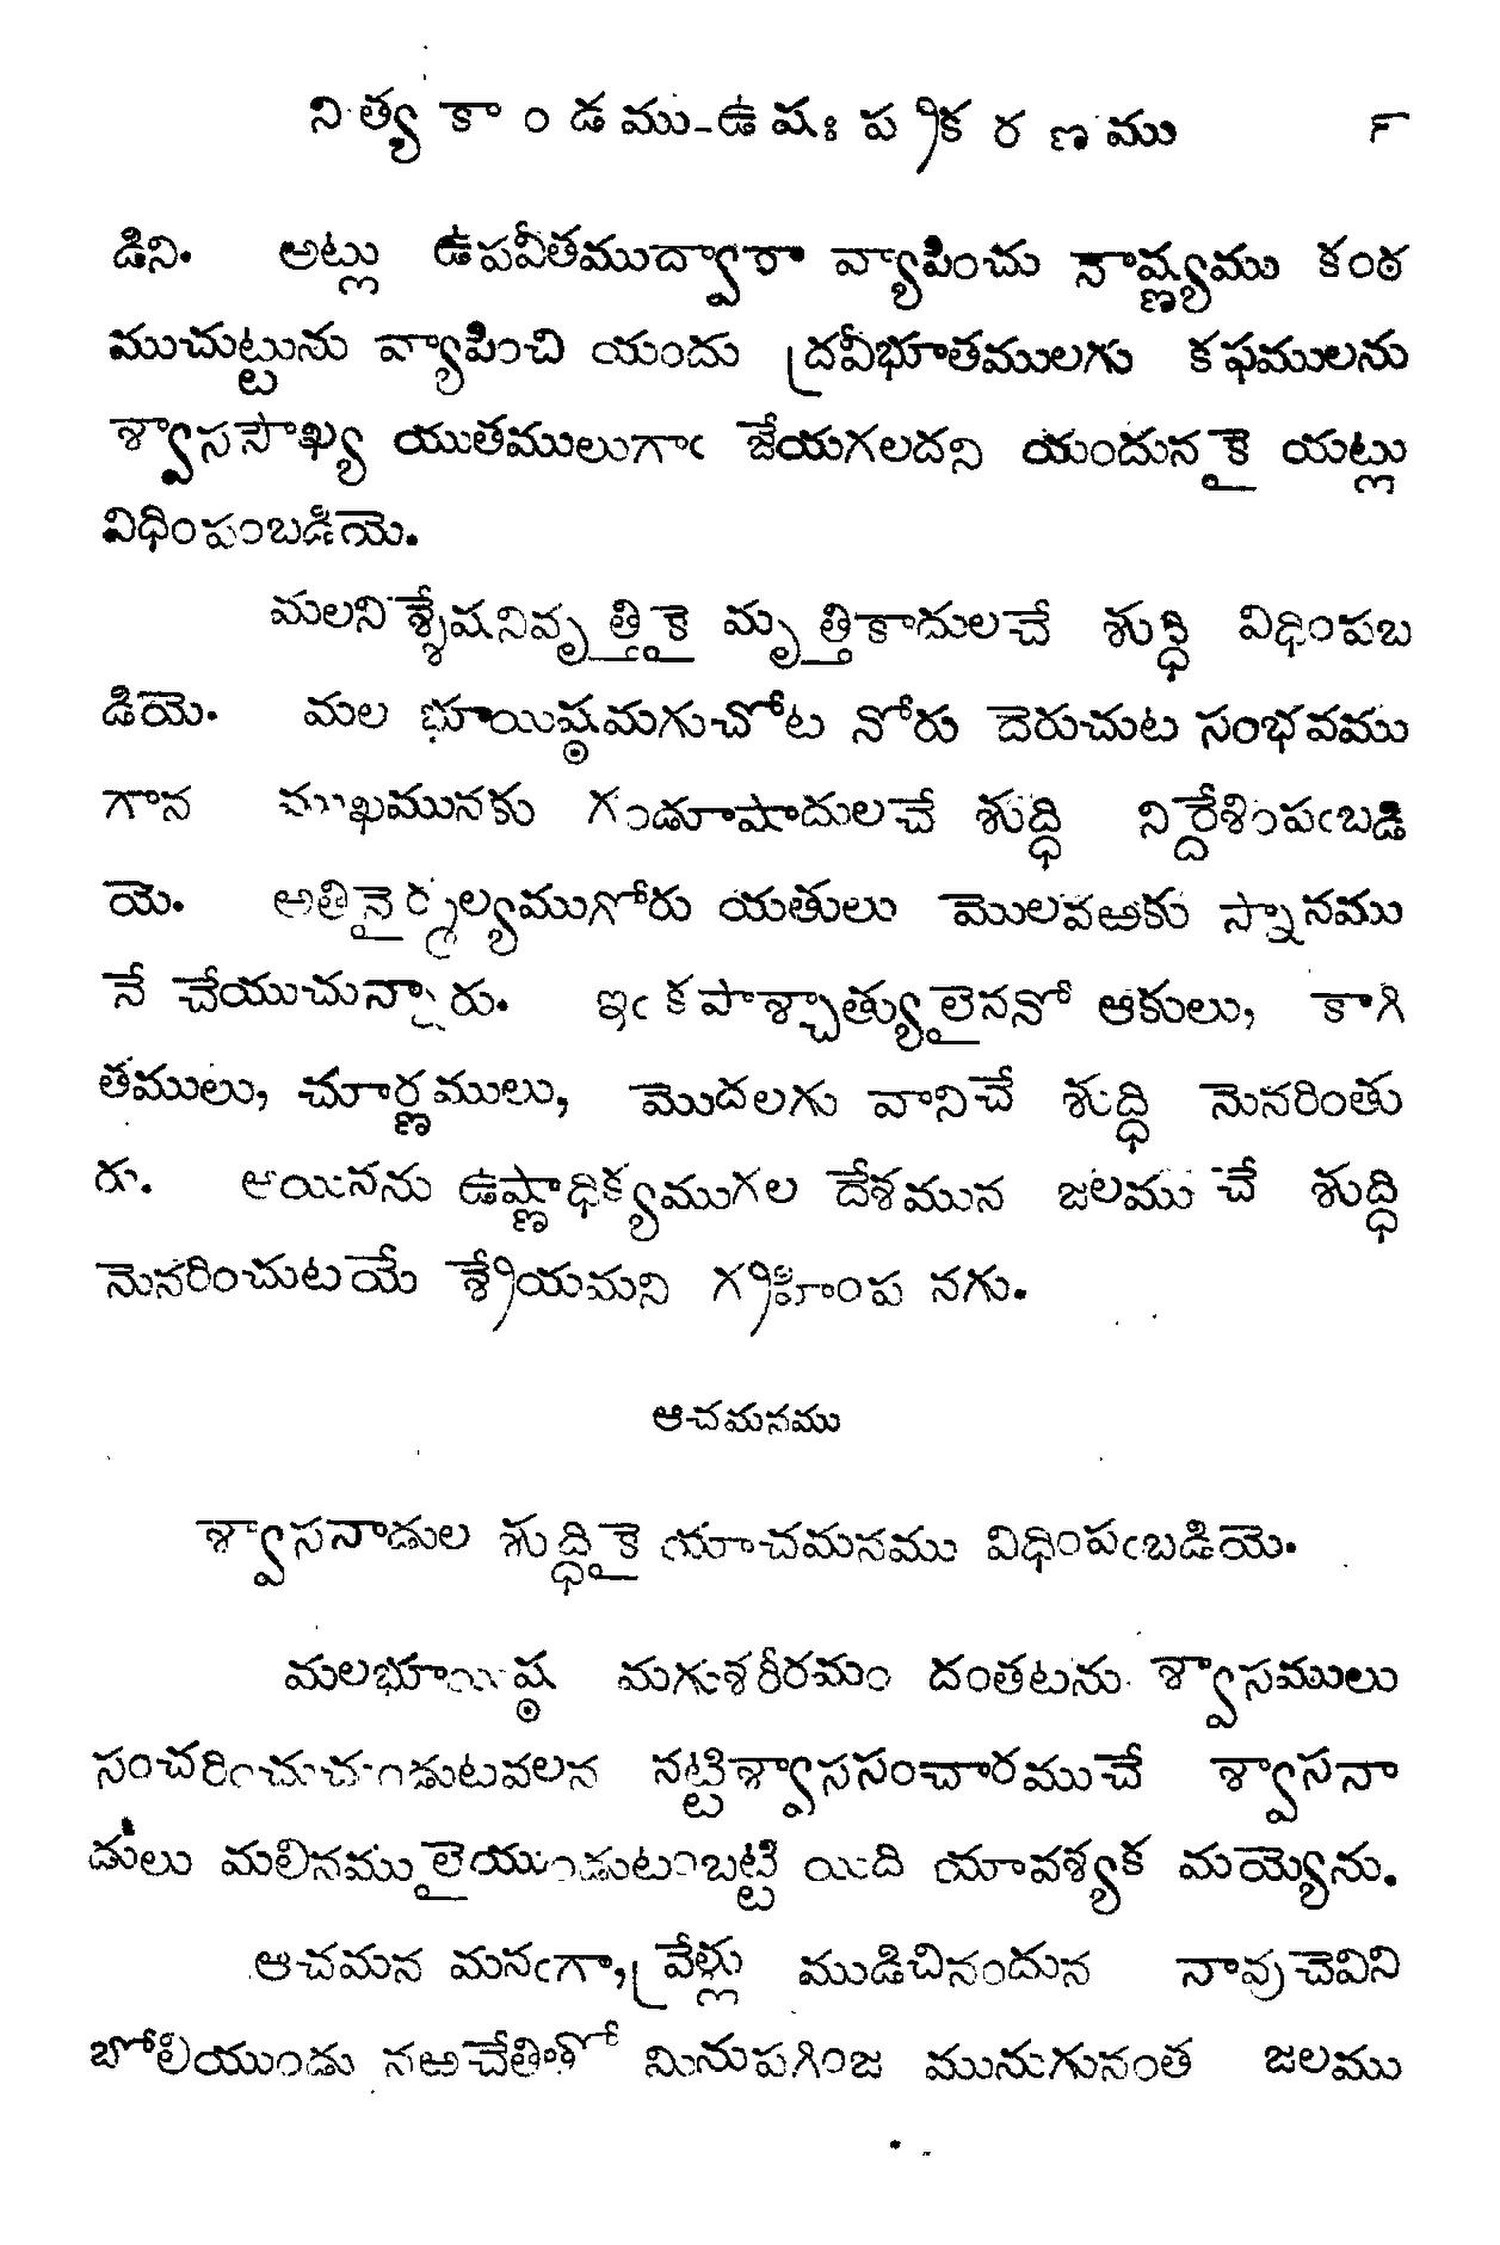డిని. అట్లు ఉపవీతముద్వారా వ్యాపించు నౌష్ణ్యము కంఠముచుట్టును వ్యాపించి యందు ద్రవీభూతములగు కఫములను శ్వాససౌఖ్య యుతములుగాఁ జేయగలదని యందున్నకై యట్లు విధింపబడియె.

మలనిశ్శేషనివృత్తికై మృత్తికాదులచే శుధ్ధి విధింపబడియె. మల భూయిష్ఠమగుచోట నోరు దెరుచుట సంభవము గాన ముఖమునకు గండూషాదులచే శుద్ధి నిర్దేశింపఁబడియె. అతినైర్మల్యముగోరు యతులు మొలవఱకు స్నానమునే చేయుచున్నారు. ఇఁకపాశ్చాత్యులైననో ఆకులు, కాగితములు, చూర్ణములు, మొదలగు వానిచే శుద్ధి నొనరింతురు. అయినను ఉష్ణాధిక్యముగల దేశమున జలముచే శుద్ధి
నొనరించుటయే శ్రేయమని గ్రహింప నగు.

శ్వాసనాడుల శుద్ధికై యాచమనము విధింపఁబడియె.

మలభూయిష్ఠ మగుశరీరమం దంతటను శ్వాసములు సంచరించుచుండుటవలన నట్టిశ్వాససంచారముచే శ్వాసనాడులు మలినములైయుండుటంబట్టి యిది యావశ్యక మయ్యెను.

ఆచమన మనఁగా, వ్రేళ్లు ముడిచినందున నావుచెవిని బోలియుండు నఱచేతితో మినుపగింజ మునుగునంత జలము